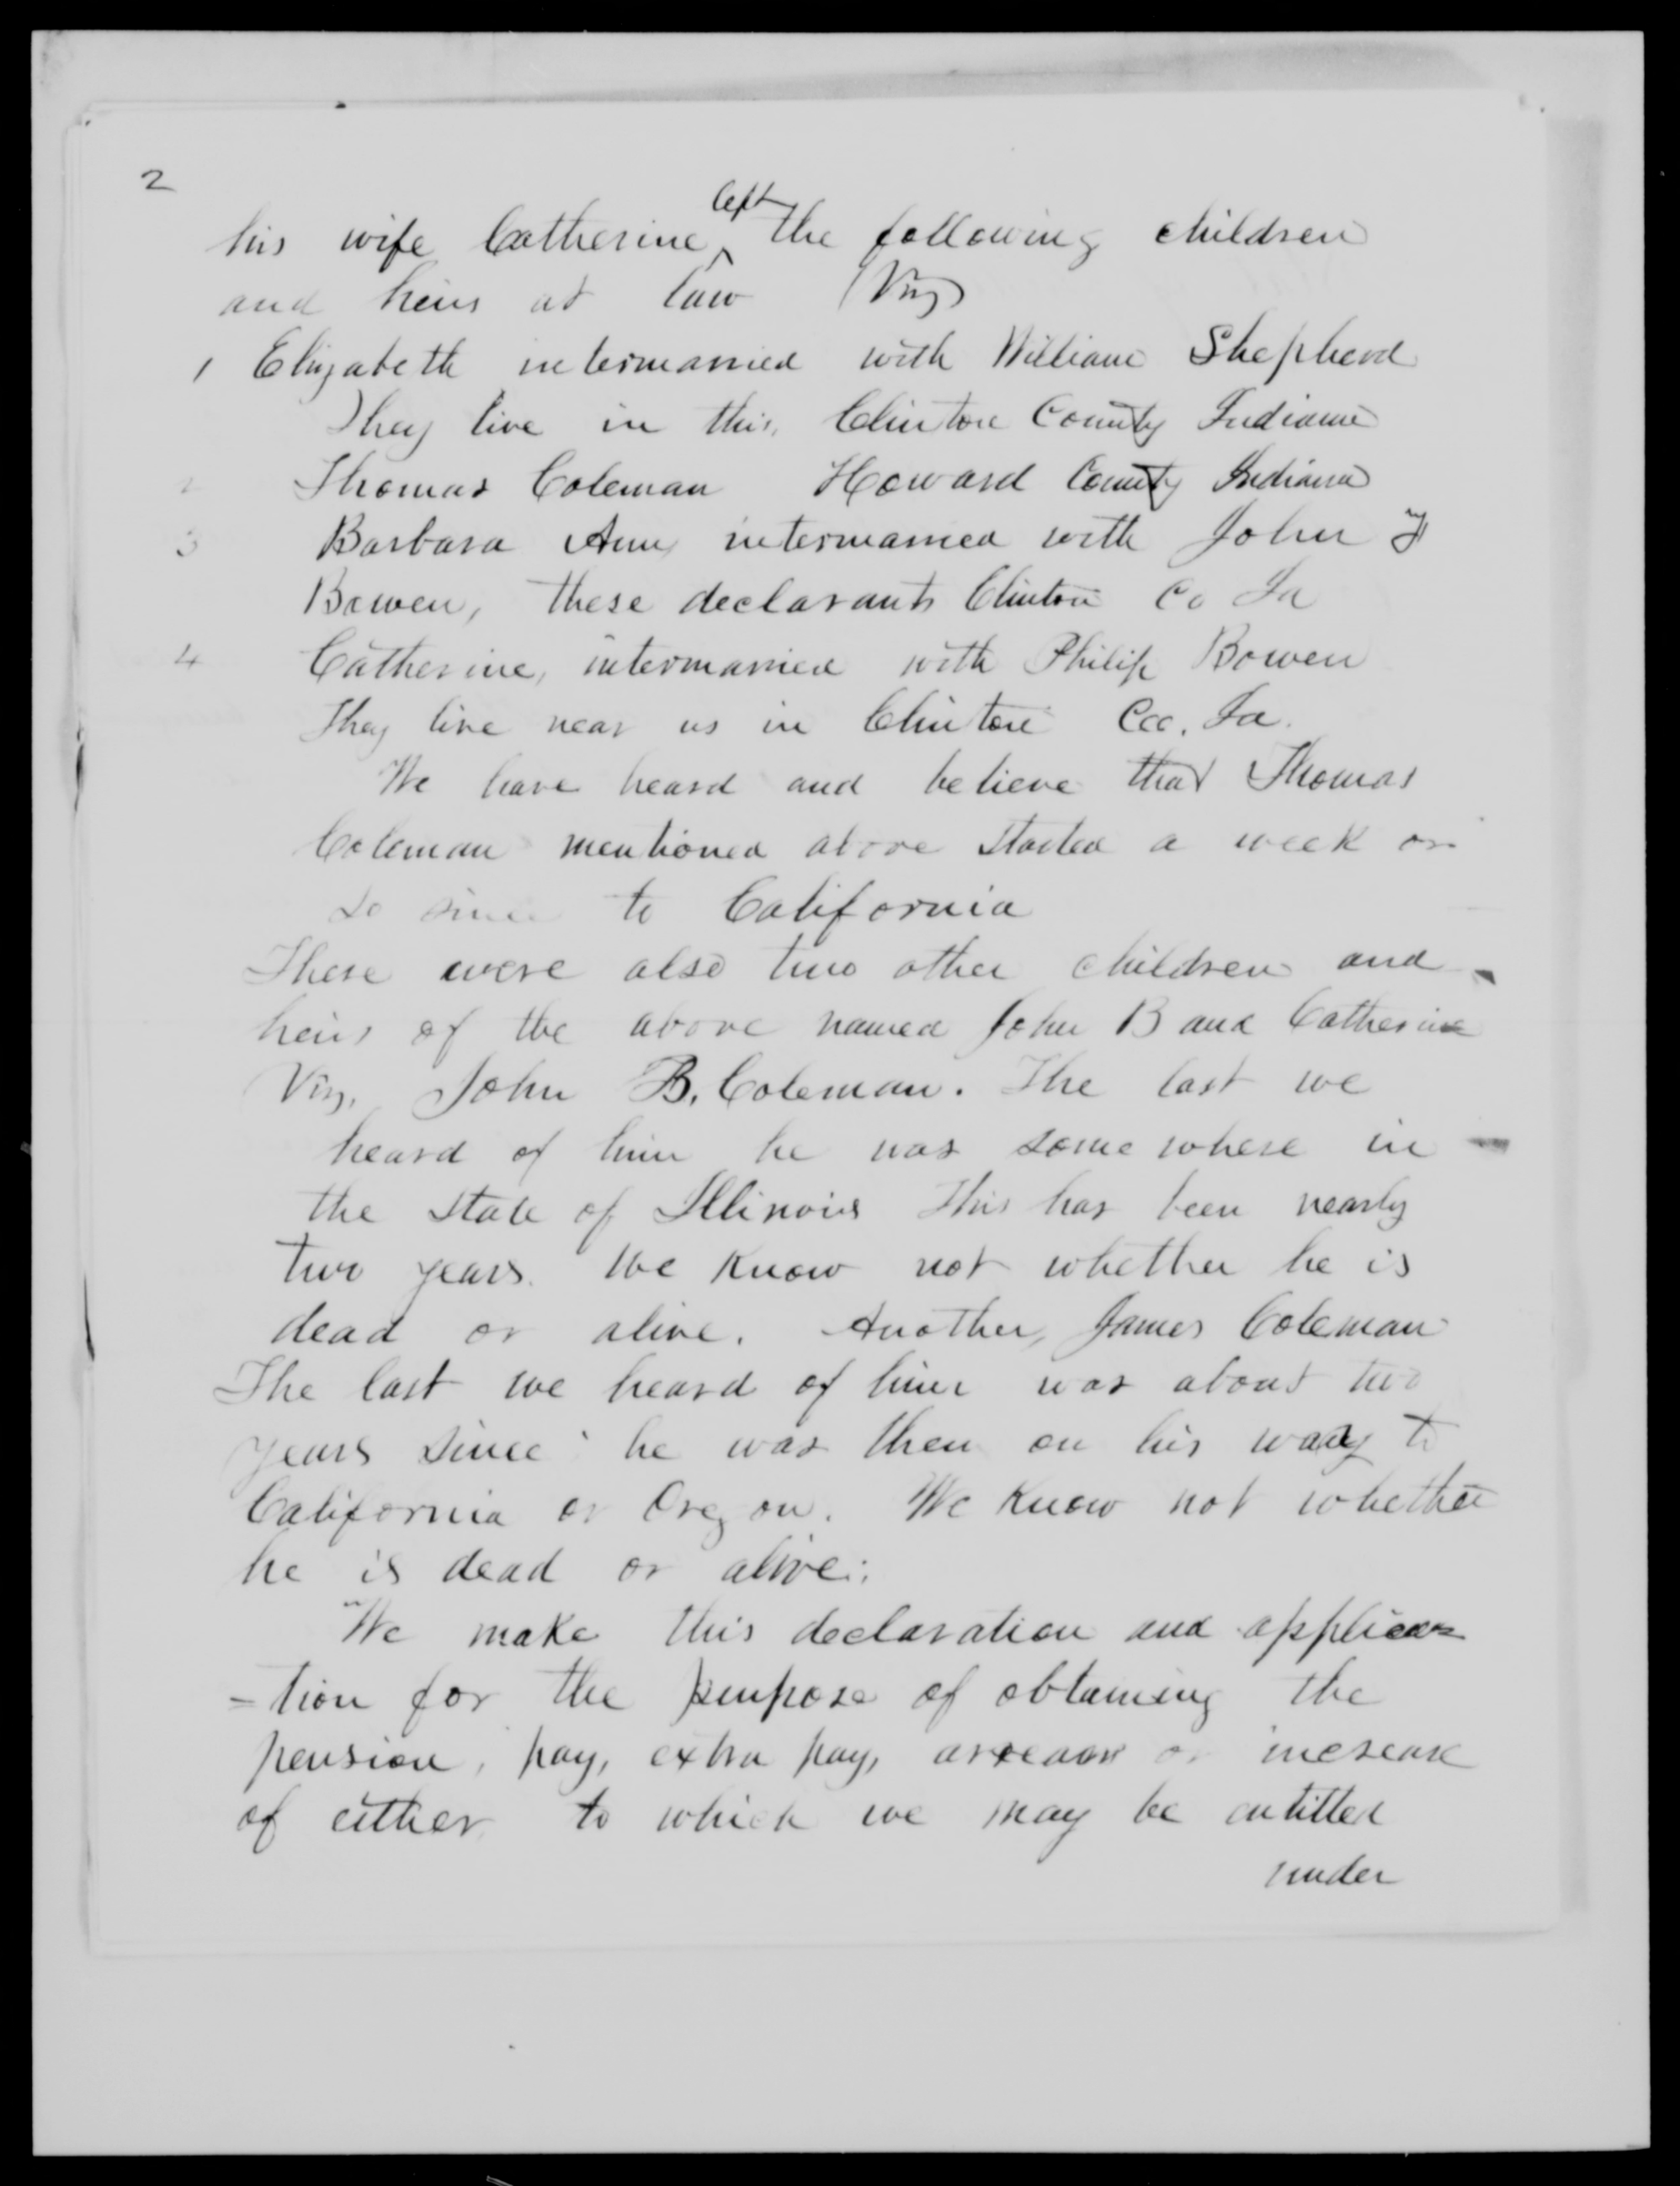2
his wife Catherine left the following children
and heirs at law (viz)
1 Elizabeth intermarried with William Shepherd.
They live in this Clinton County Indiana
2 Thomas Coleman Howard County Indiana
3 Barbara Ann intermarried with John F
Bowen, these declarants, Clinton Co Ia
4 Catherine intermarried with Philip Bowen
They live near us in Clinton Co. Ia

We have heard and believe that Thomas
Coleman mentioned above started a week or
so since to California
There were also two other children and
heirs of the above named John and Catherine
Viz, John B. Coleman. The last we
heard of him he was some where in
the State of Illinois. This has been nearly
two years. We know not whether he is
dead or alive. Another, James Coleman
The last we heard of him was about two
years since he was then on his way to
California or Oregon. We know not whether
he is dead or alive;
We make this declaration and application for the purpose of obtaining the pension, pay, extra pay, arrears or increase of either to which we may be entitled under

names: James Coleman, Elizabeth, Catherine, John B Coleman, Philip Bowen, John B, Barbara, John F Bowen, William Shepherd, Thomas Coleman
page: 117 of 123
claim: rejected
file: R. 11,949, Matthias Young, Md.